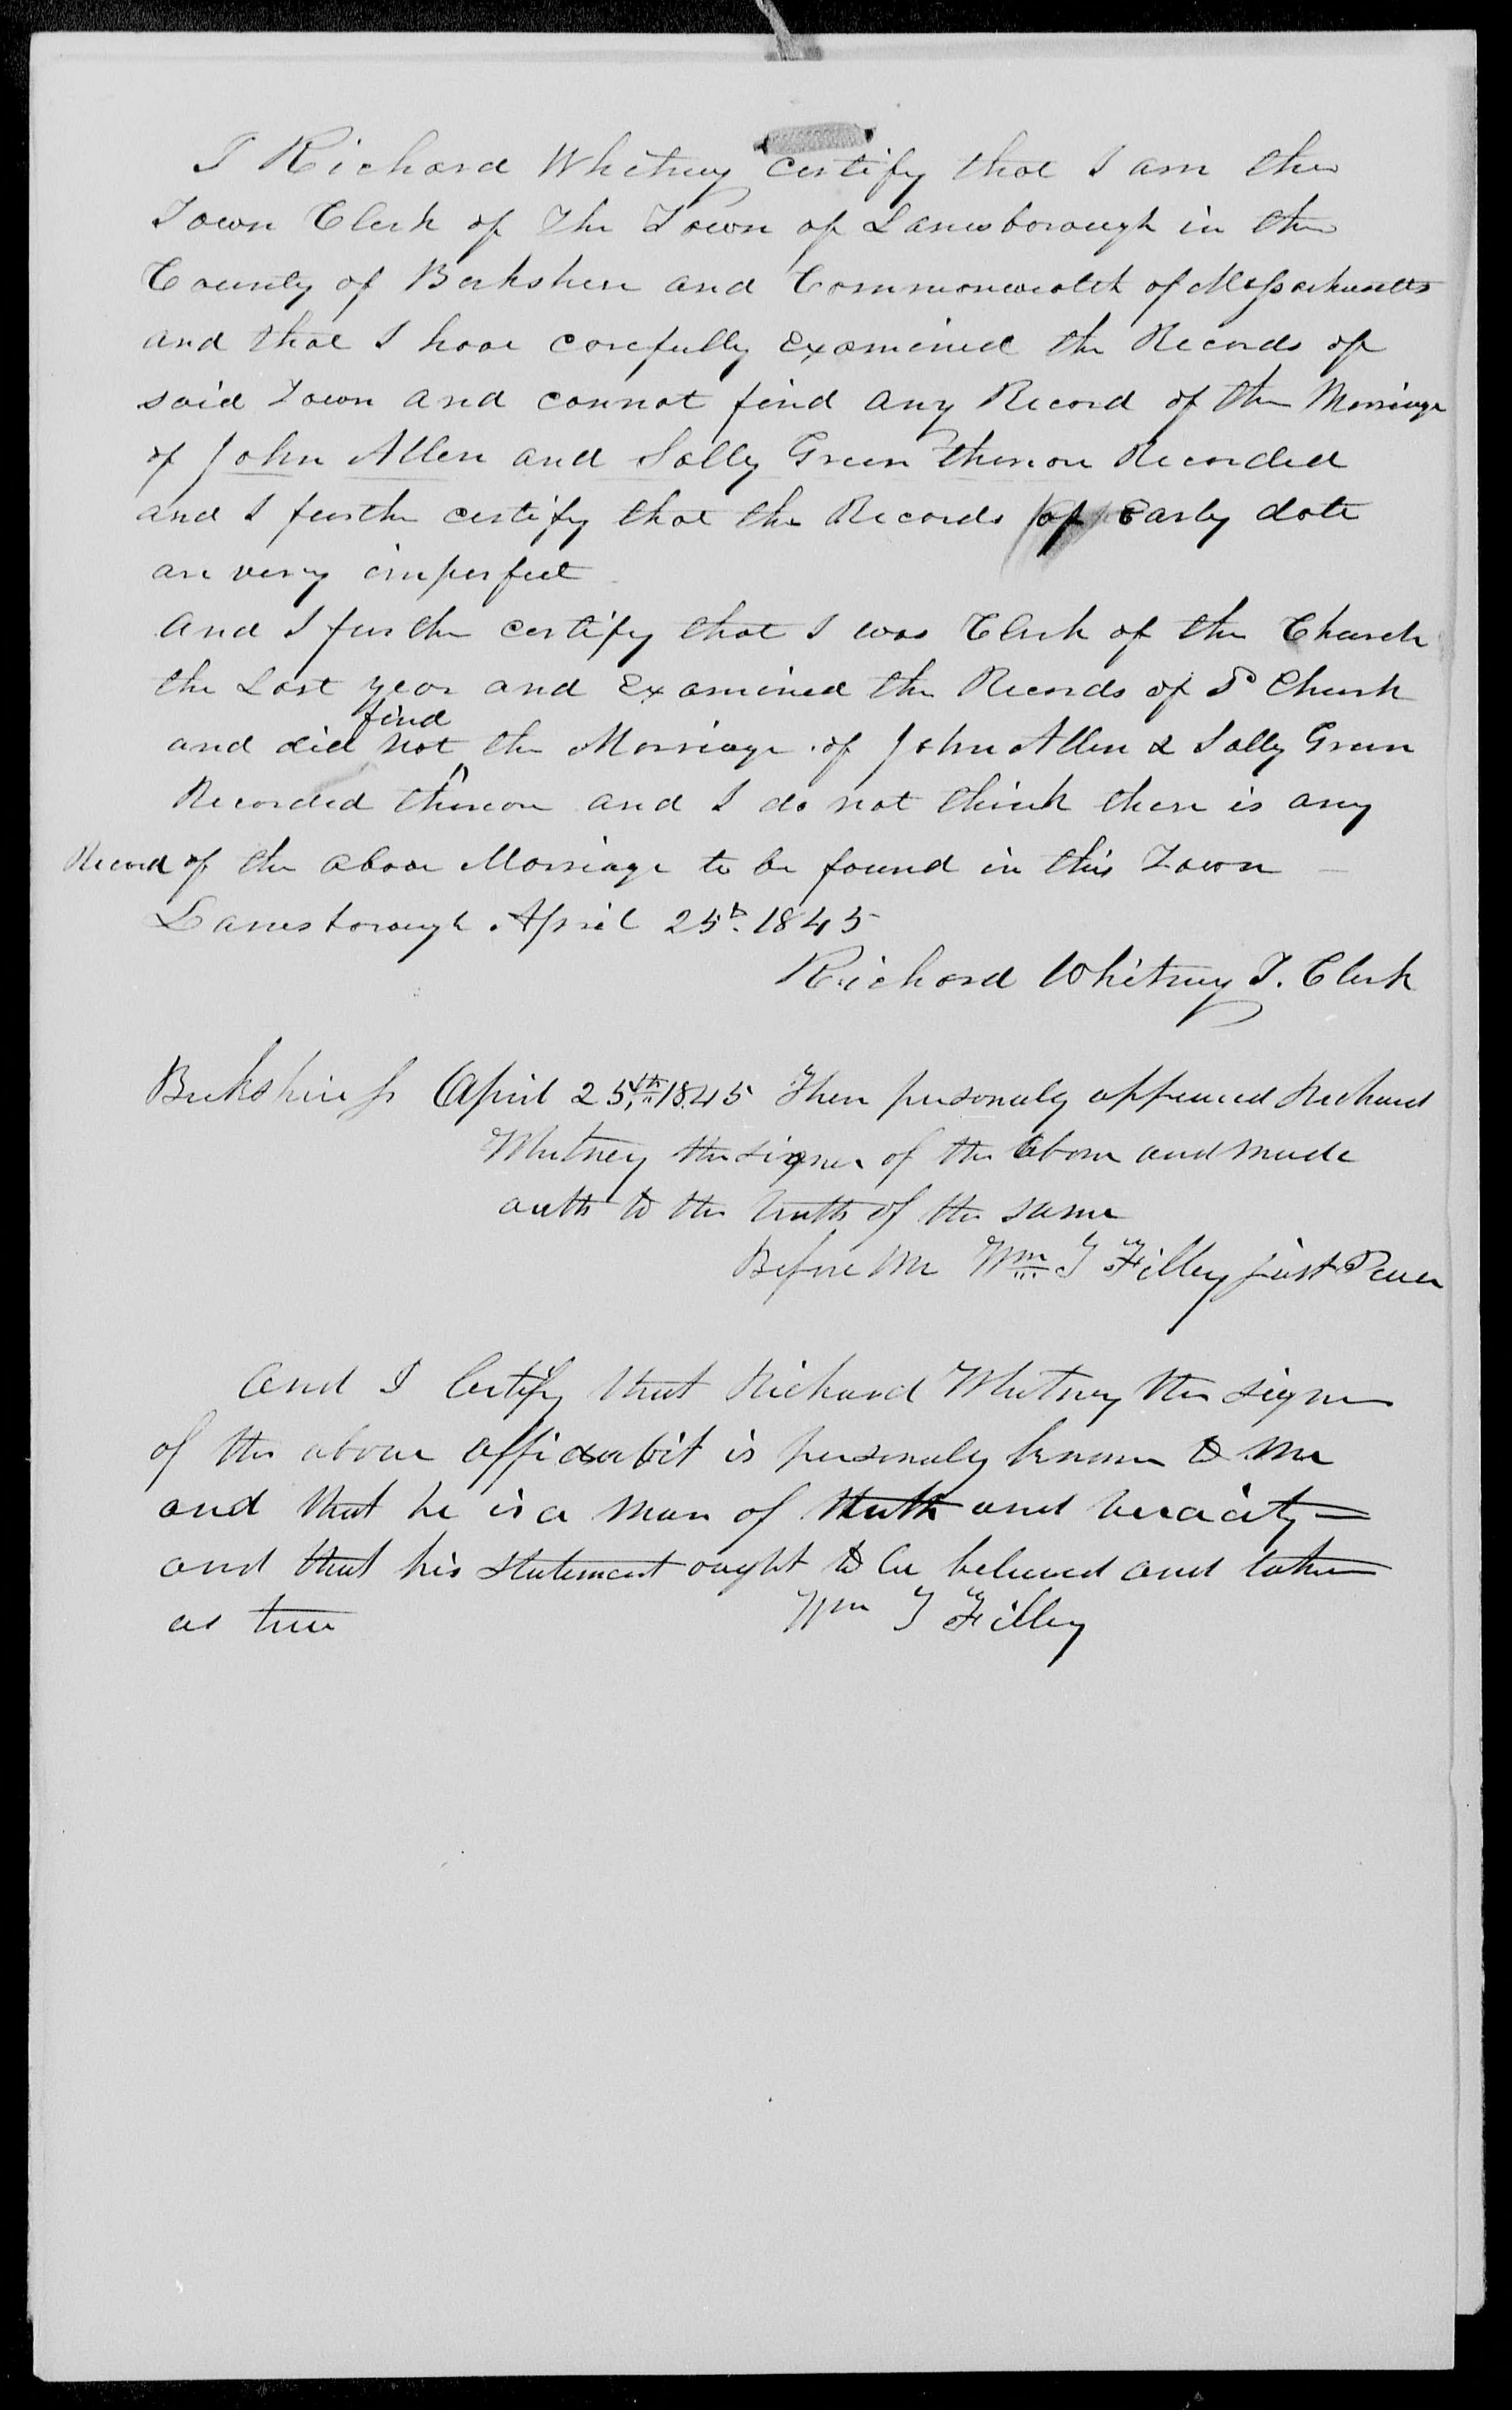I Richard Whitney certify that I am the Town Clerk of the Town of Lanesborough in the County of Berkshire and Commonwealth of Massachusetts and that I have carefully examined the Records of said Town and cannot find any Record of the Marriage of John Allen and Sally Green thereon recorded and I further certify that the Records of early date are very imperfect
And I further certify that I was clerk of the Church the Last year and Examined the Records of said Church and did not ^find the Marriage of John Allen & Sally Green Recorded thereon and I do not think there is any of the above Marriage to be found in this Town- 
Lanesborough April 25th 1845
Richard Whitney T. Clerk 
Berkshire Ss April 25th 1845 Then personally appeared Richard Whitney the signer of the above and made oath to the truth of the same 
Before me Wm T Filley Just Peace 
and I certify that Richard Whitney the signer of the above affidavit is personally known to me and that he is a man of truth and veracity and that his statement ought to be believed and taken as true 
Wm T Filley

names: Wm T Filley, Sally Green, Sally Green, Richard Whitney, Richard Whitney, Richard Whitney, John Allen, Wm T Filley, John Allen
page: 65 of 74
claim: widow's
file: W. 23424, John Allen, Mass. R. I.